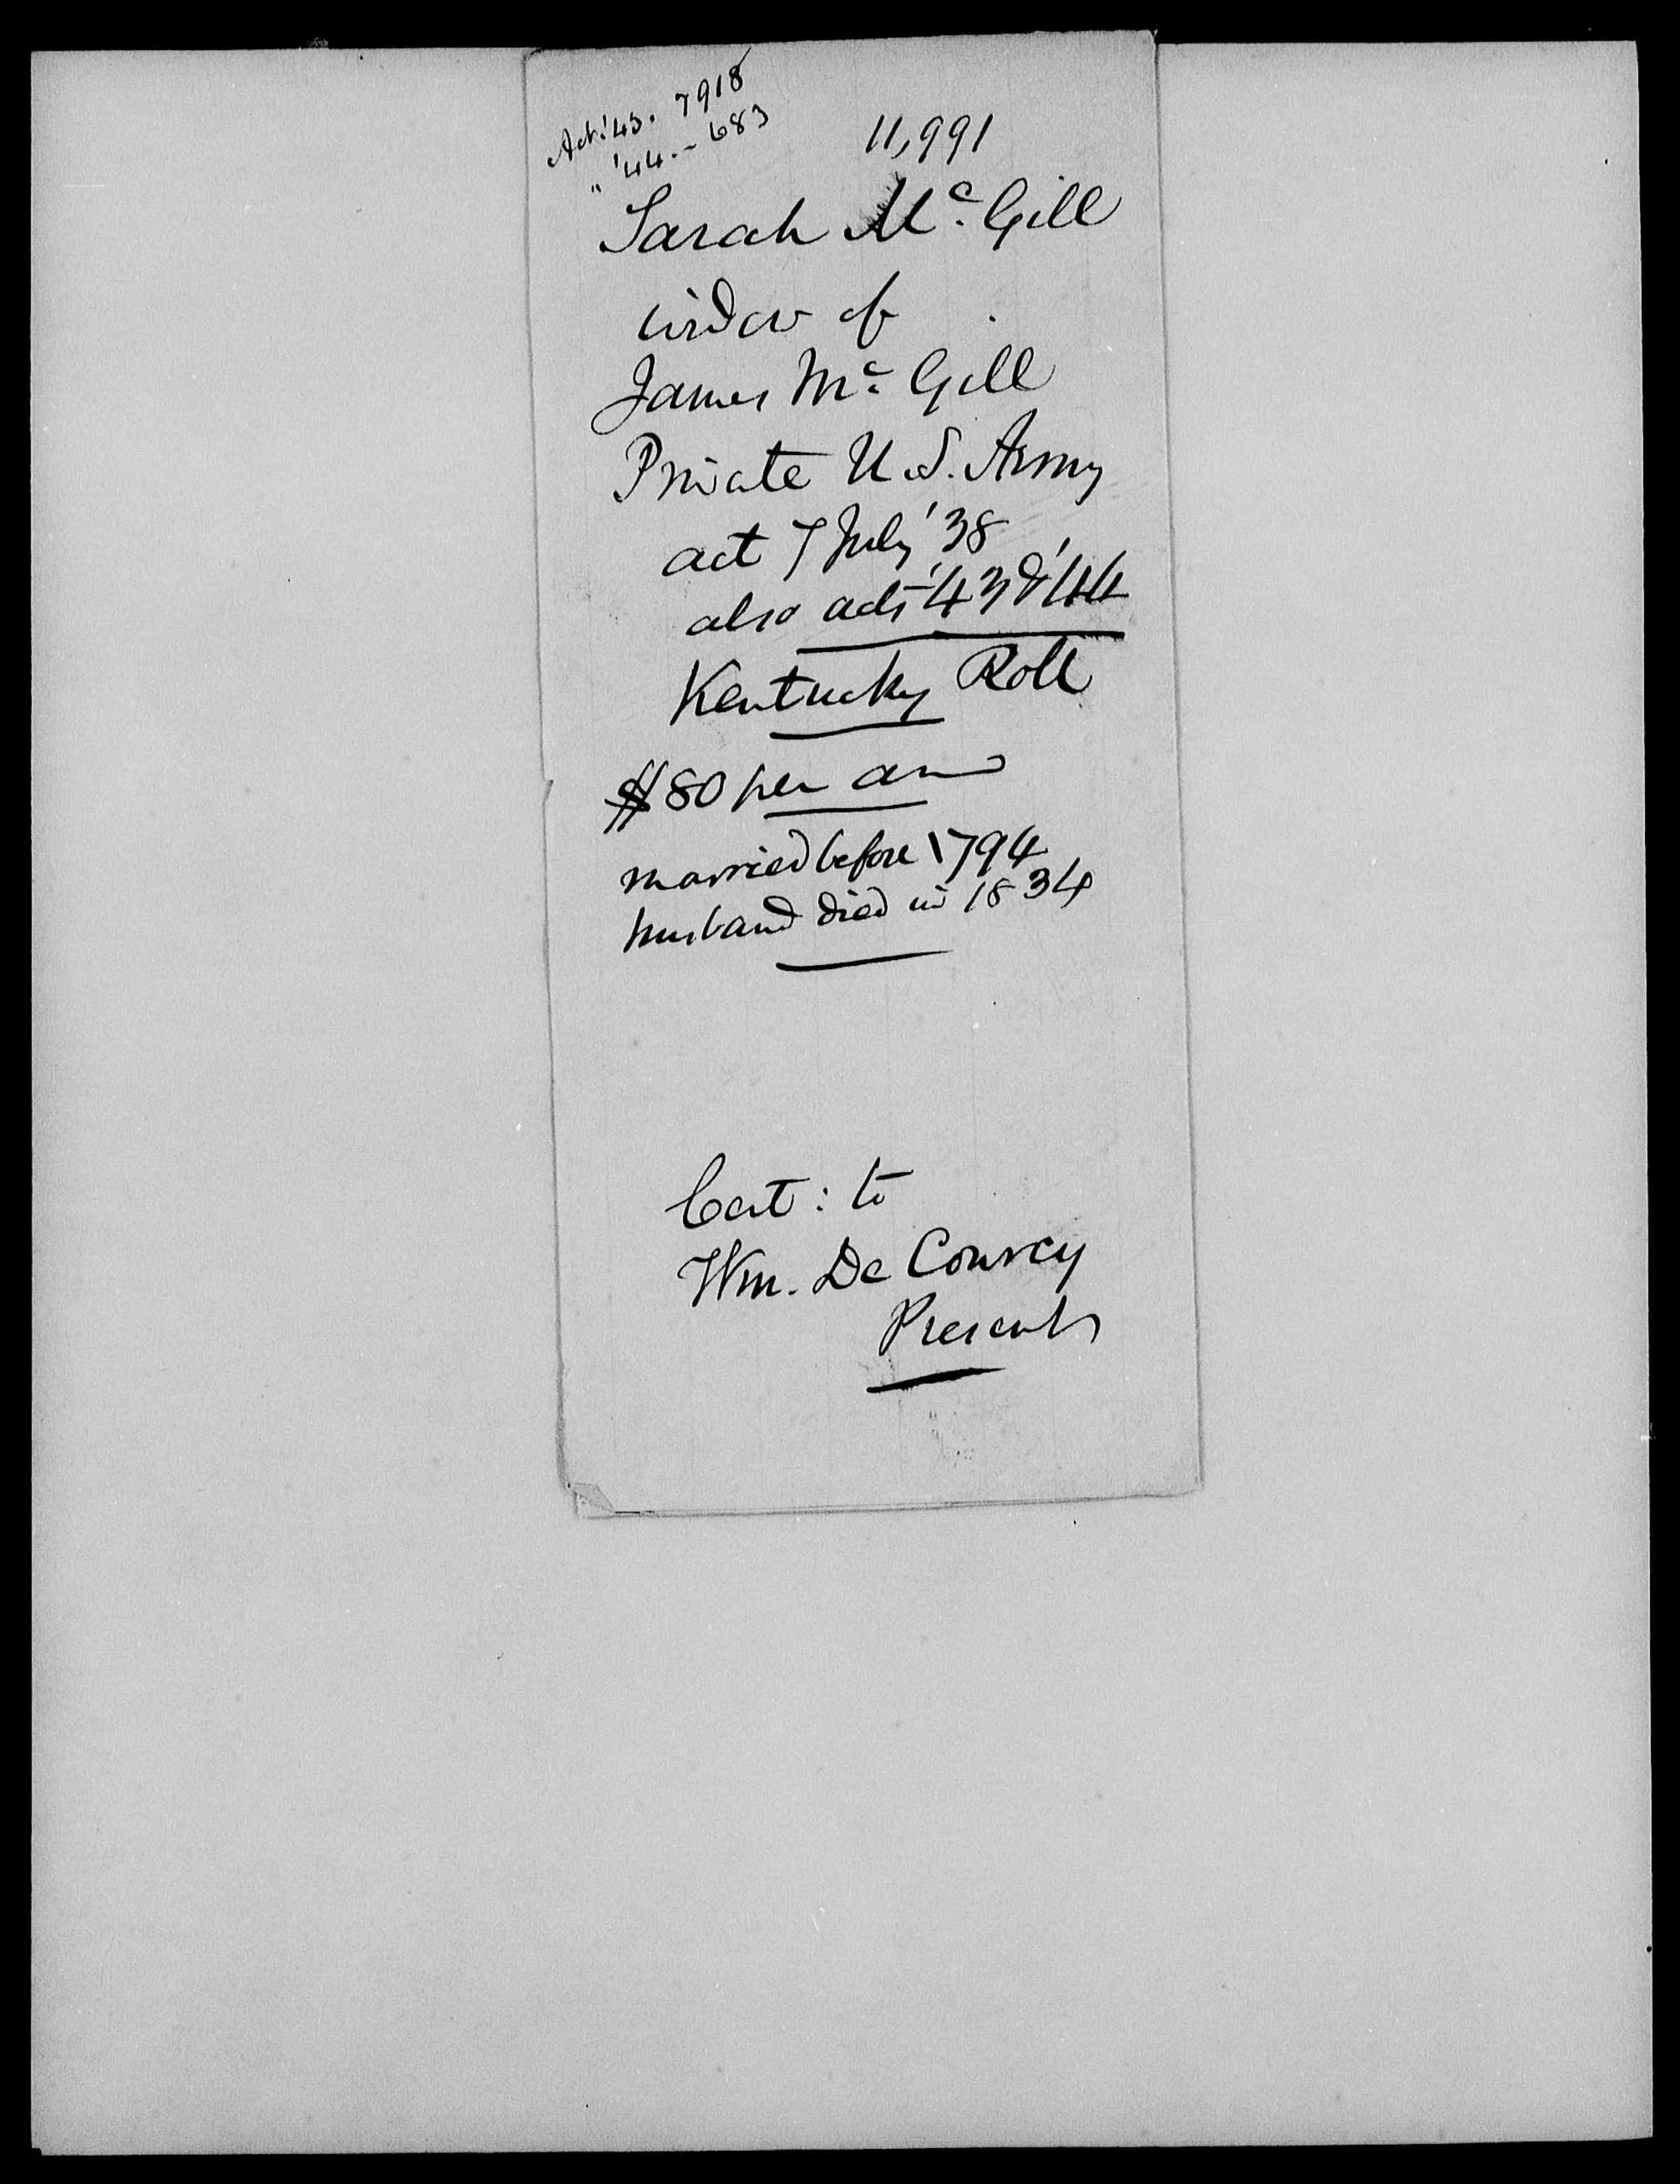Image 94              4160873_00094	
Fold3 File #23857260  
(Cover)  

Act '45 7918    '44 -- 683       11,991
Sarah McGill widow of James McGill   Private  U.S. Army   Act 7 July '38   also acts '43 & '44
Kentucky Roll    $80 per an [anum]
married before 1794   husband died in 1834    

Cert: to Wm, DeCourcy   Present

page: 36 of 71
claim: widow's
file: W. 8428, for James Mc Gill, Pennsylvania